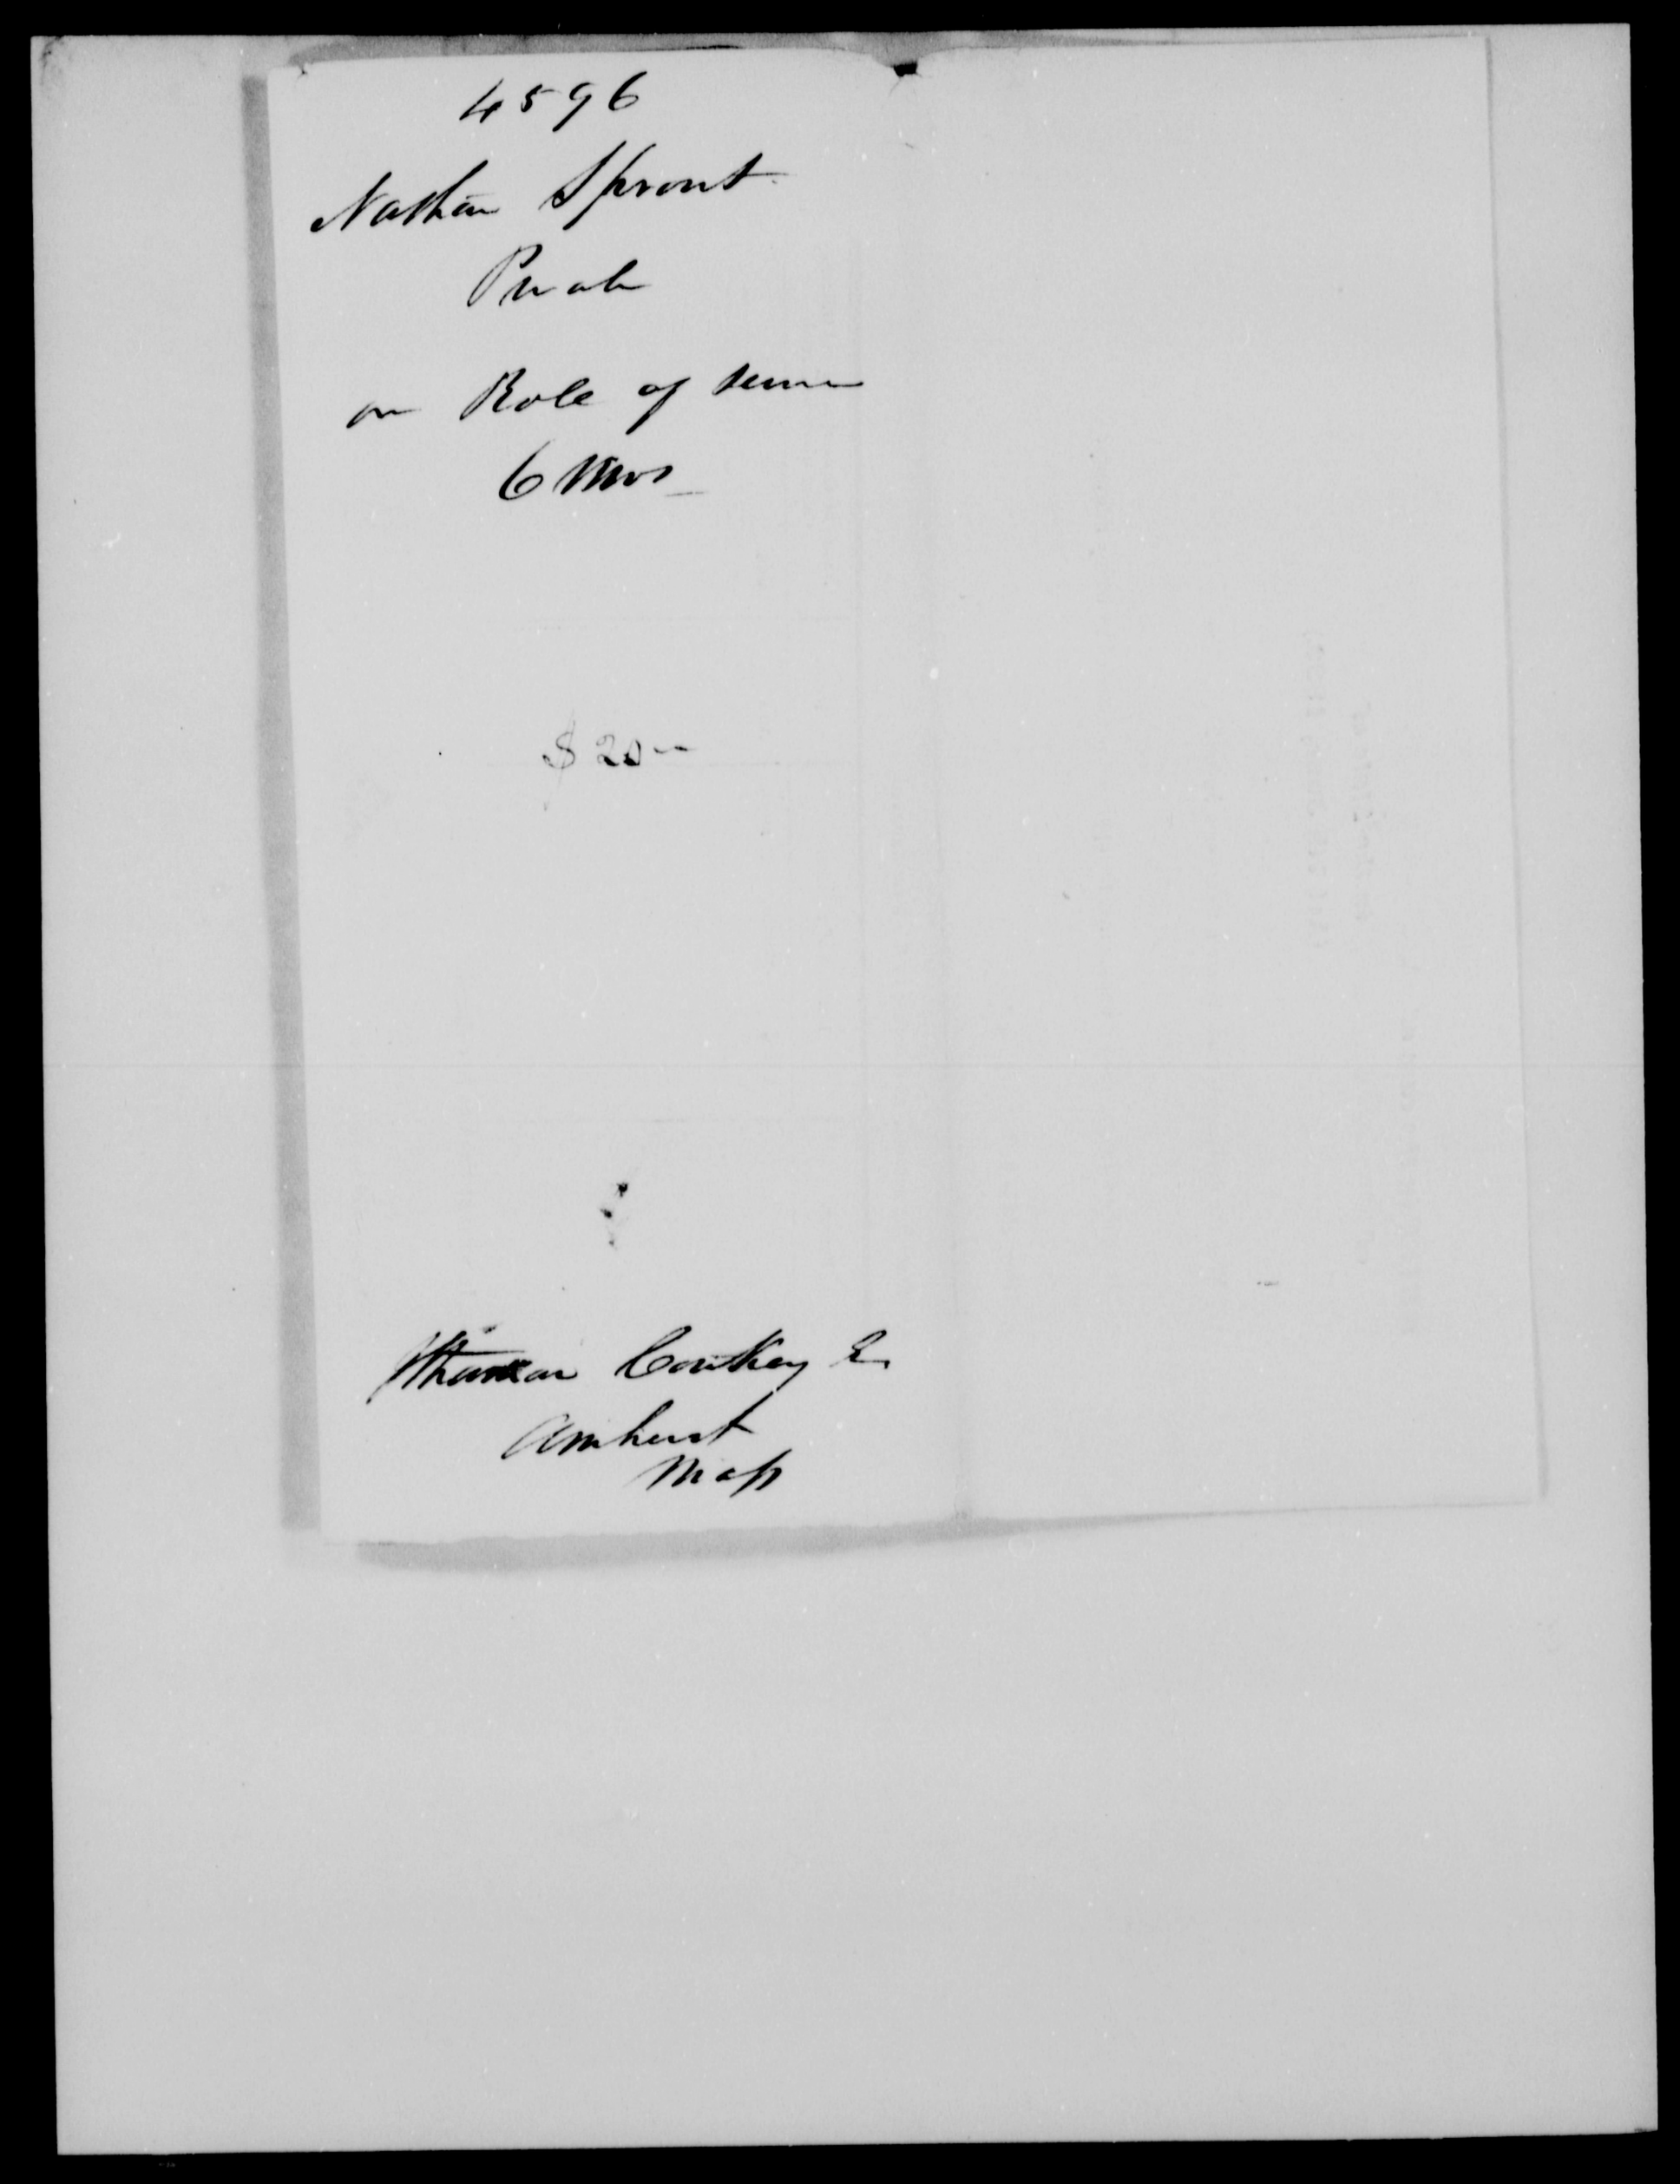4596
Nathan Sprout
Prvt.
on Roll of [illegible]
6 mos.


$20.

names: Nathan Sprout; Nathan Conkey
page: 5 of 32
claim: widow's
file: W. 2014, for Nathan Sprout, Massachusetts